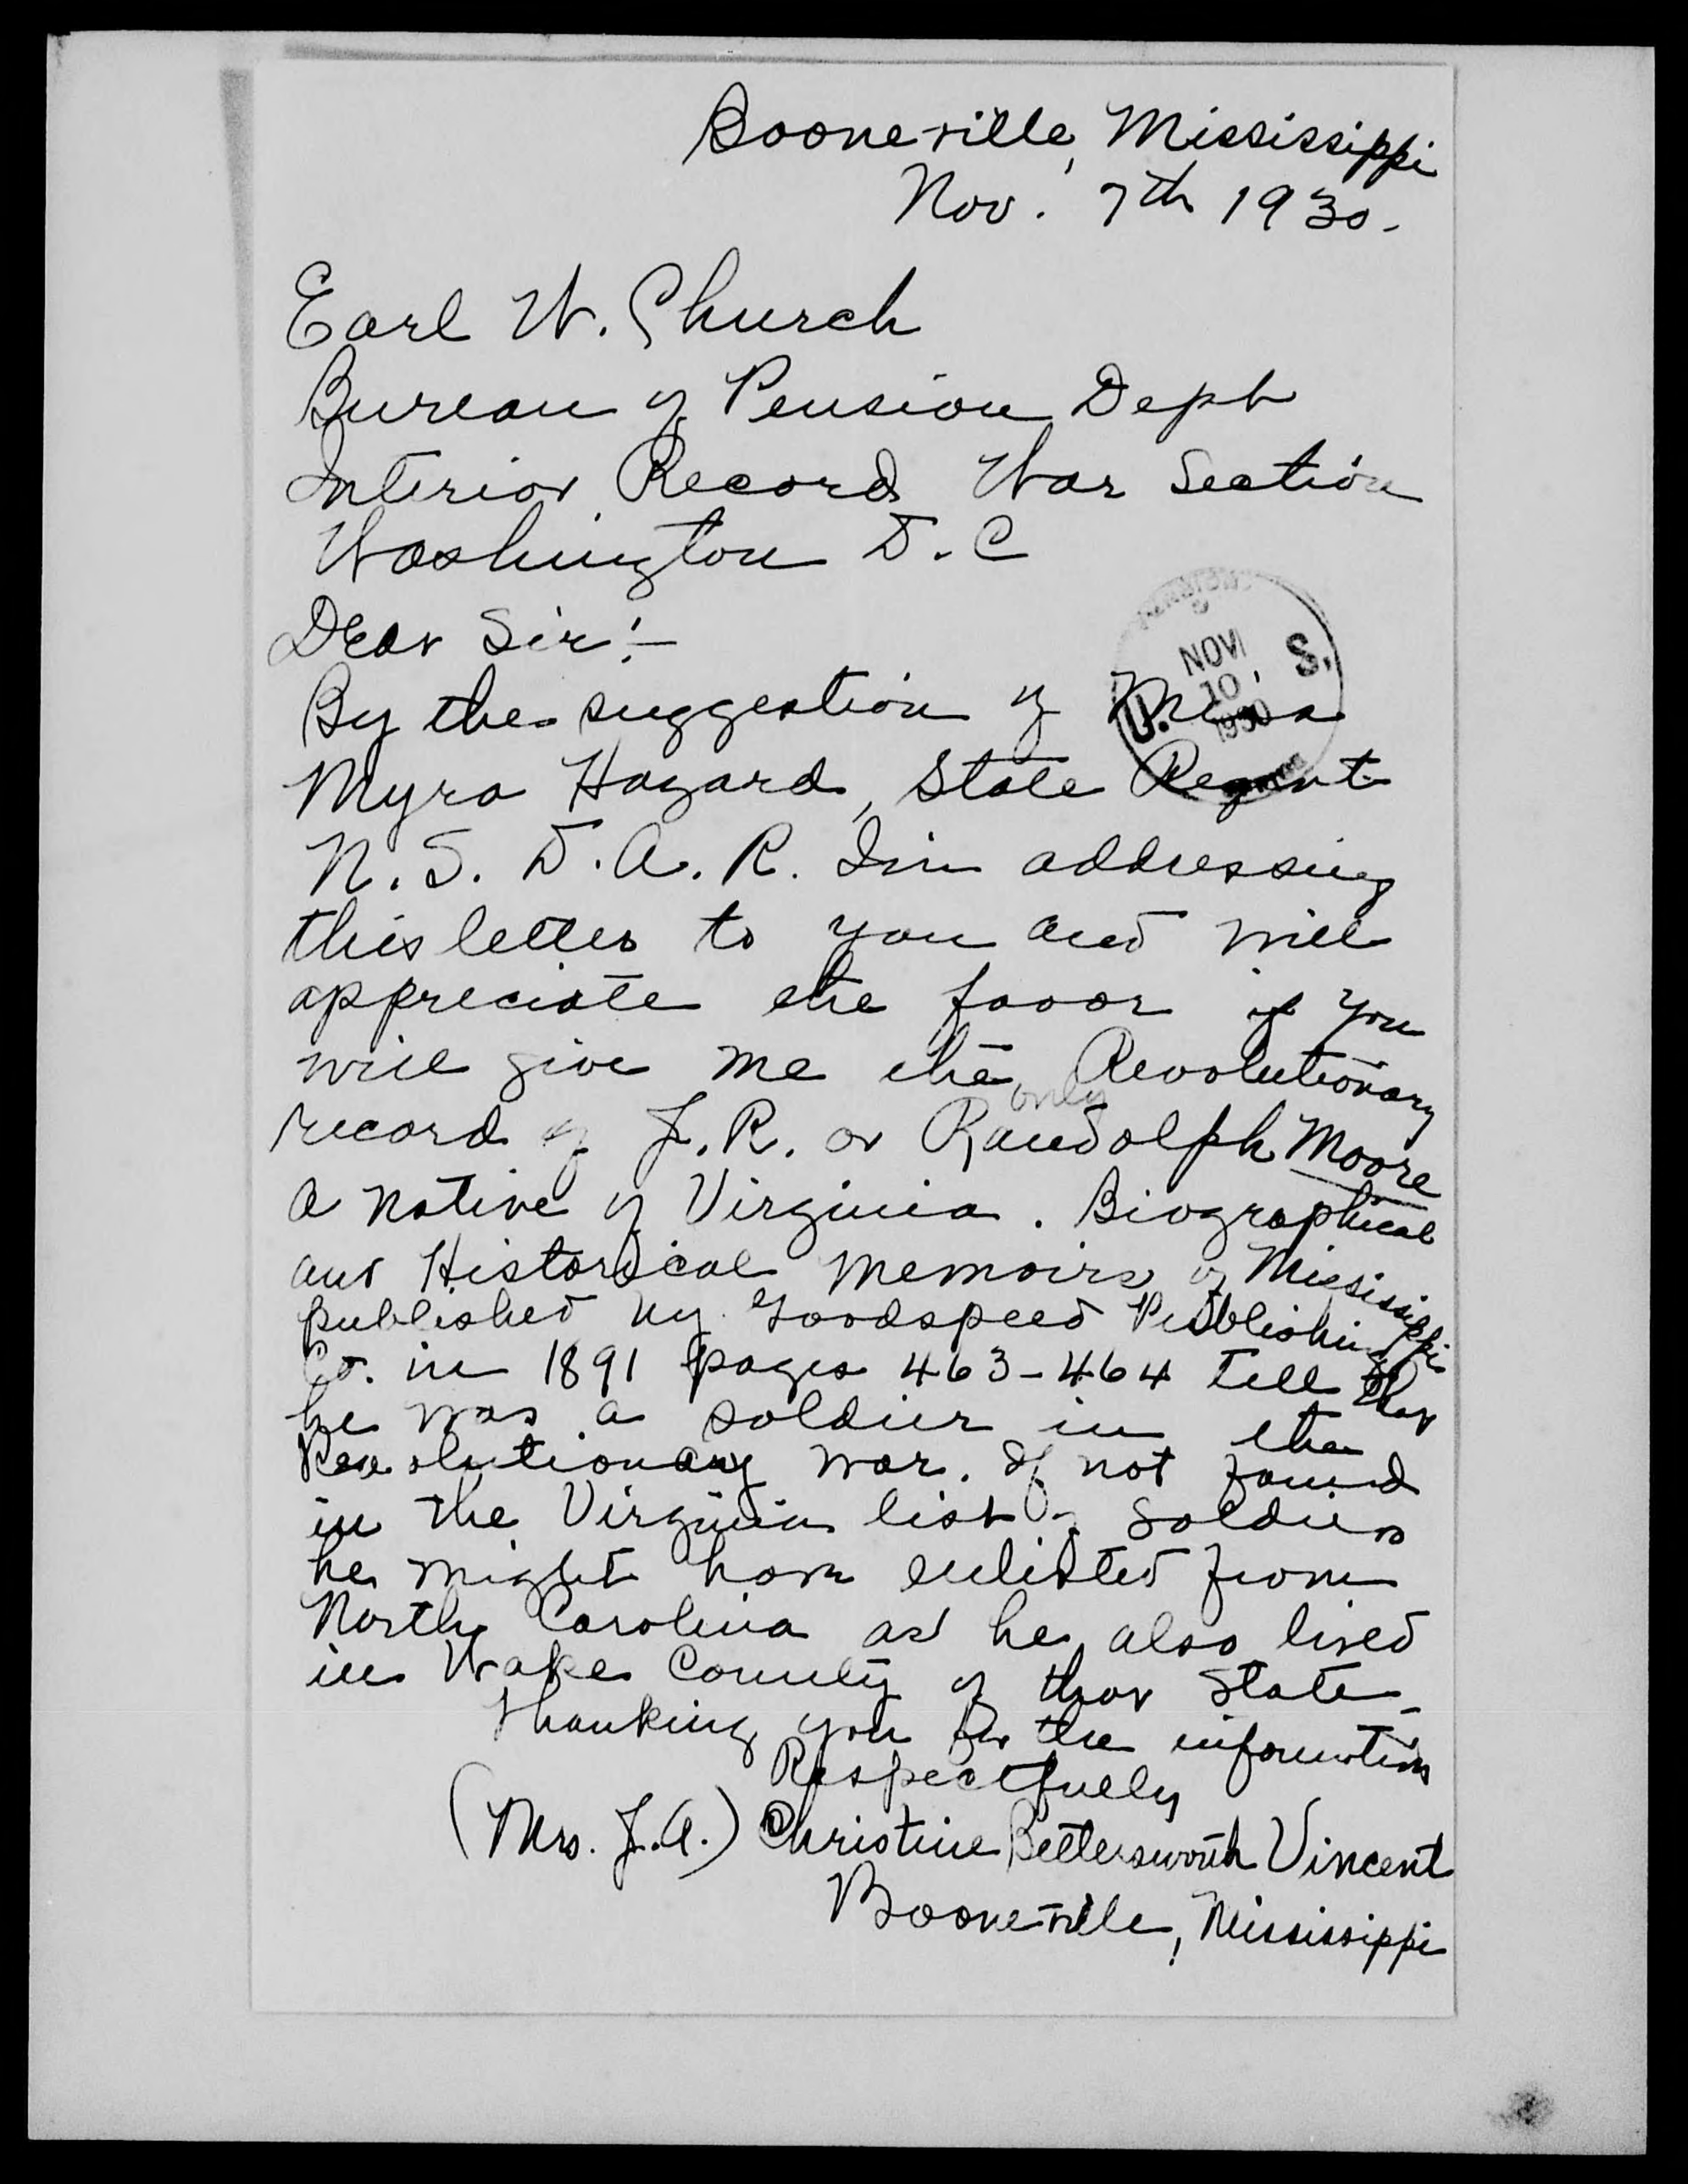Booneville, Mississippi
Nov. 7th 1930.

Earl W. Church
Bureau of Pension Dept. 
Interior Record War Section
Washington D.C.

Dear Sir:-

By the suggestion of Myra Hazard State Regent N. S. D. A. R. I'm addressing this letter to you and will appreciate the favor if you will give me the Revolutionary record of J. R. or Randolph Moore a native of Virginia. Biographical and Historical Memoirs of Mississippi published by Goodspeed Publishing Co., in 1891 pages 463-464 tell that he was a soldier in the Revolutionary war. If not found in the Virginia list - soldiers he might have enlisted from North Carolina as he also lived in Wake County of that State.
Thanking you for the information
Respectfully
[Signature]
(Mrs. J. A.) Christine Bettersworth Vincent
Booneville, Mississippi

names: Earl W Church; J A Vincent; Randolph Moore; Christine Bettersworth Vincent; J R Moore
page: 33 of 33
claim: widow's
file: W. 52, for Randolph Moore, North Carolina